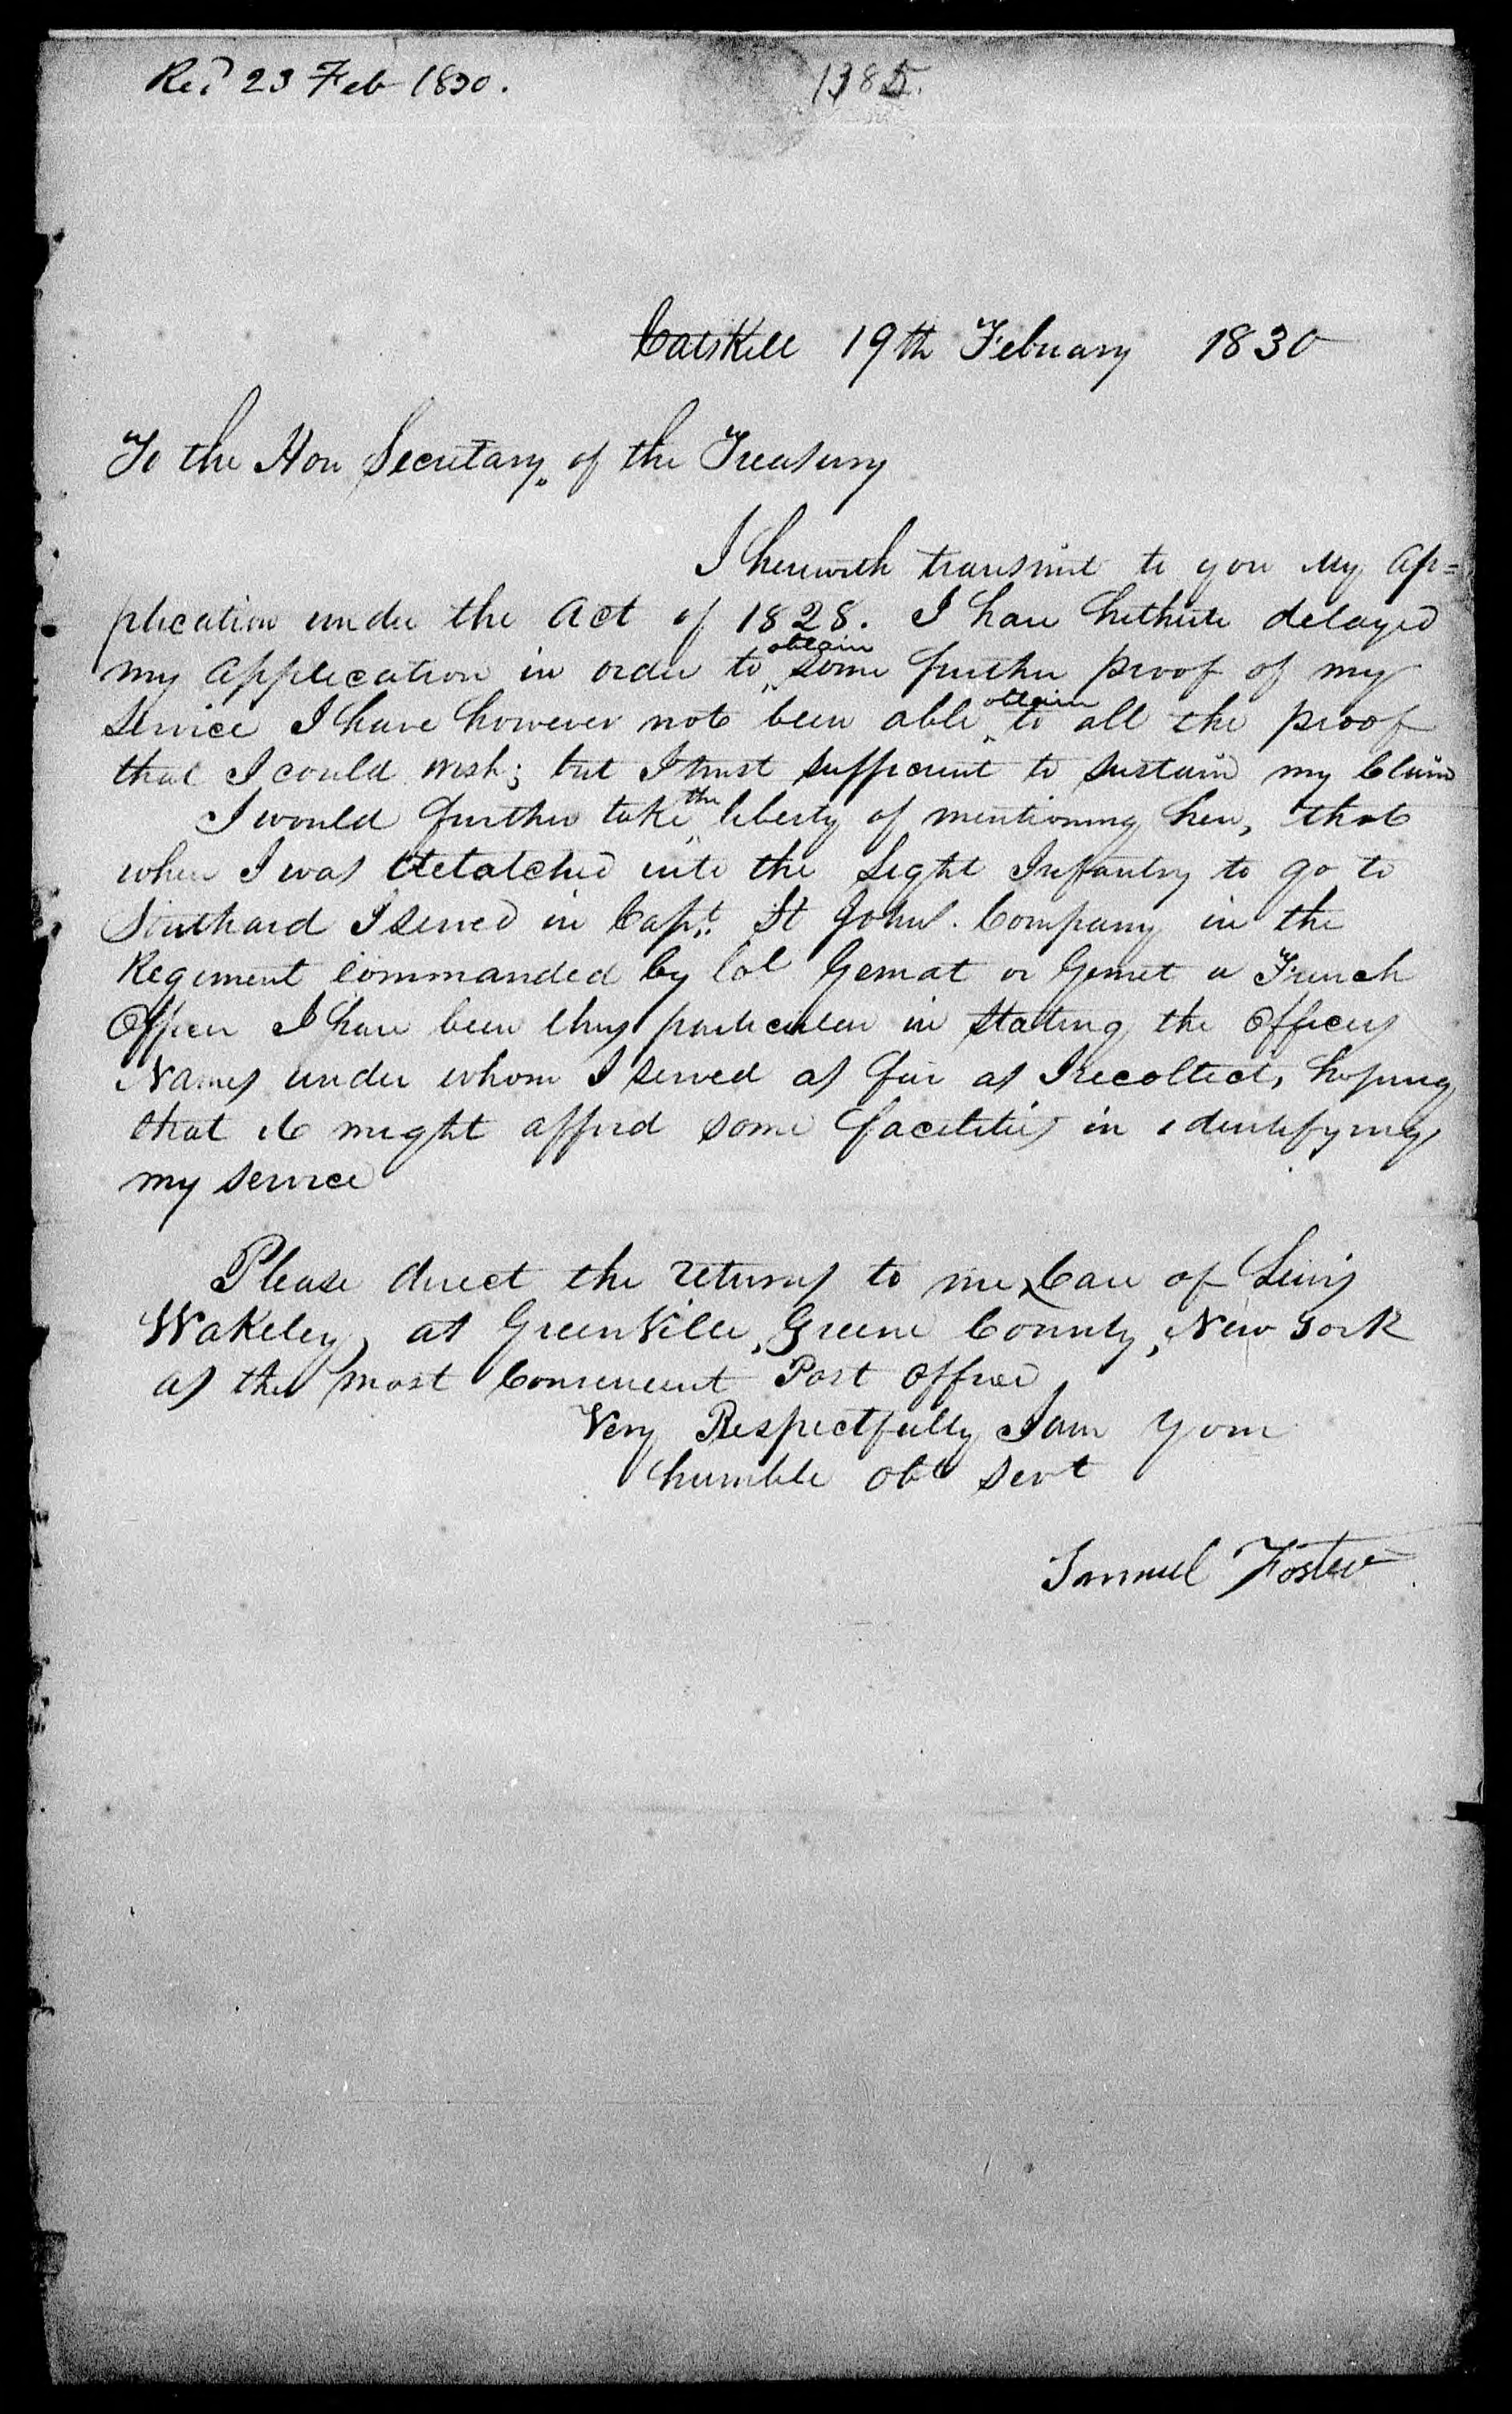Rcd 23 Feb 1830. 1385.
Catskill 19th Febuary 1830
I herewith transmit to you my ap=plication under the Act of 1828. I have hitherto delayed my application i order to [caret] obtain some further proof of my Service I have however not been able [caret] obtain to all the proof I could wish; but I trust sufficient to sustain my Claim
I would further take [caret] the liberty of mentioning how, that when I was detached with the Light Infantry to go to South and I served in Capt. St Johns. Company in the Regiment commanded by Col Gemat or Gemet a French Officer I have been this particular in stating the OIfficers names under whom I served as far as I recollect, hoping that it might afford some facilities in identifying my Service
Please direct the returns to me, Care of Lewis Wakeley, at Greenville, Greene County, New York as the most [illegible] Post Office
Very respectfully I am your humble obt sevt
[signed] Samuel Foster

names: Lewis Wakeley, Samuel Foster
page: 39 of 54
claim: survivor's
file: S. 13,043, Samuel Foster, Conn.